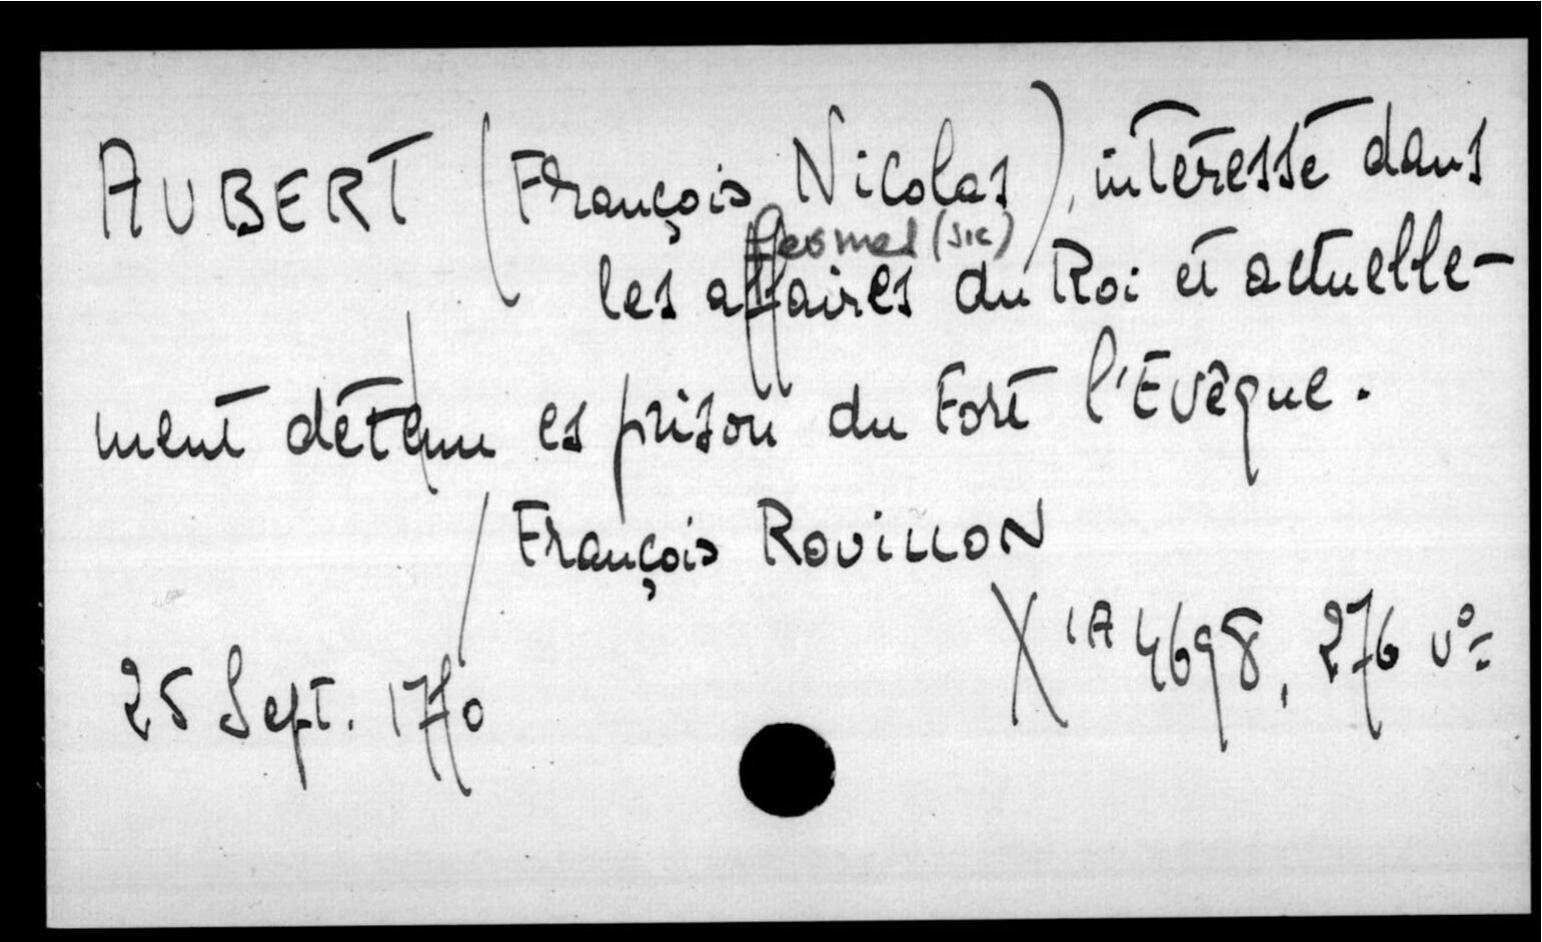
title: AUBERT (François Nicolas), interessé dans les affaires du Roi et actuellement détenu en prison du Fort l'Évêque.
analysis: Contre François ROUILLON
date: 25 septembre 1770
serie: X1A
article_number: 4698
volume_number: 276v
